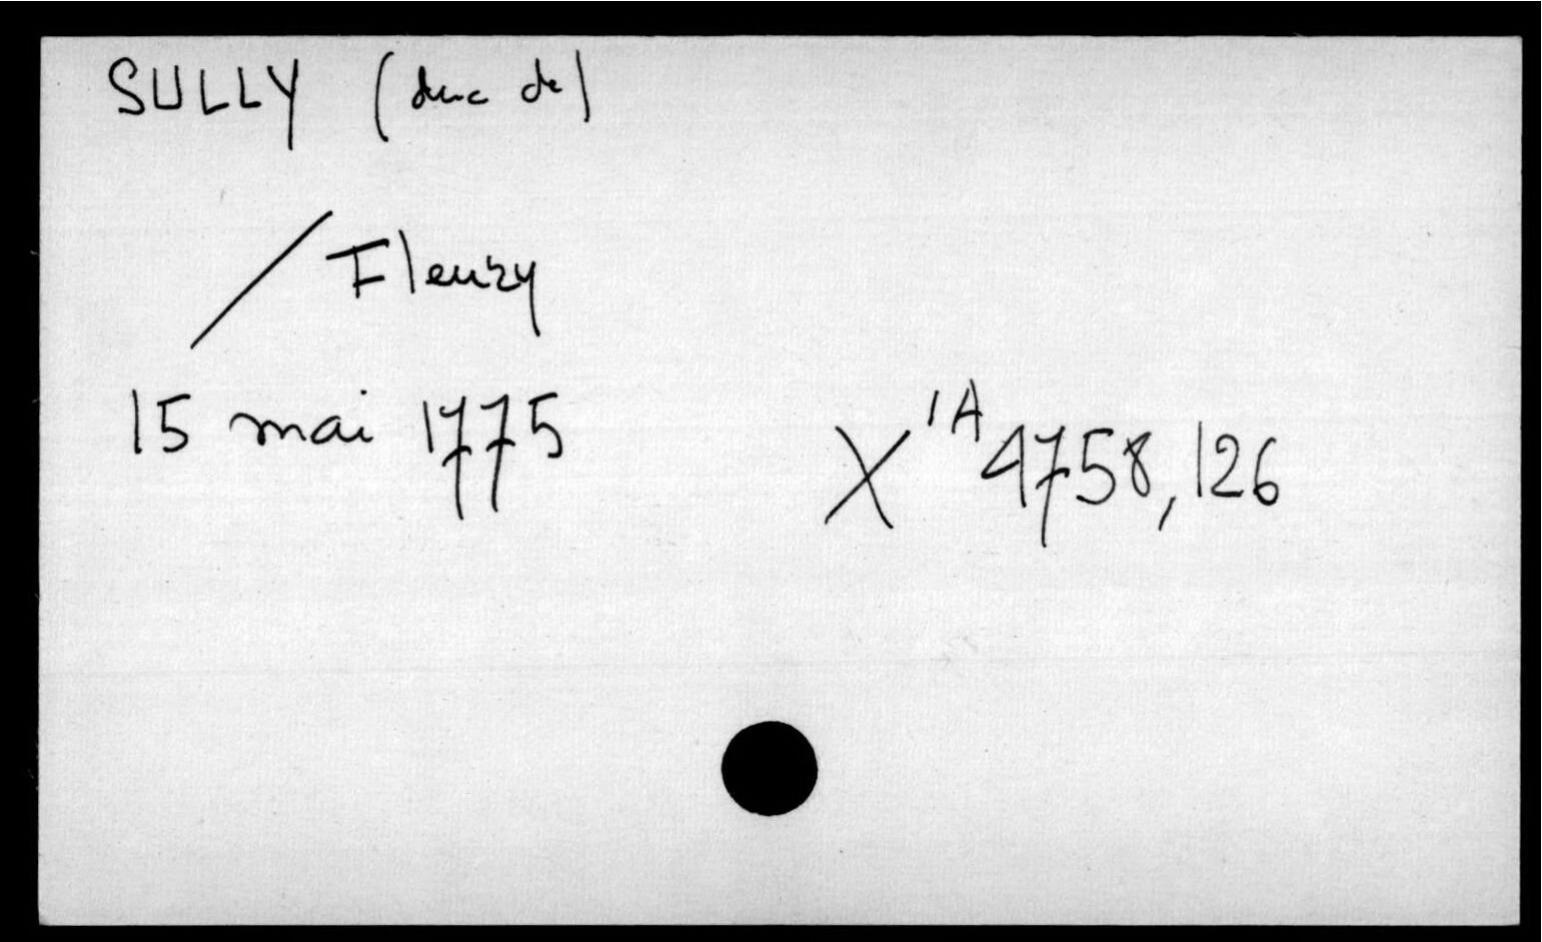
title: SULLY (duc de)
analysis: Contre Fleury
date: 15 mai 1775
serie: X1A
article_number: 4758
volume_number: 126
